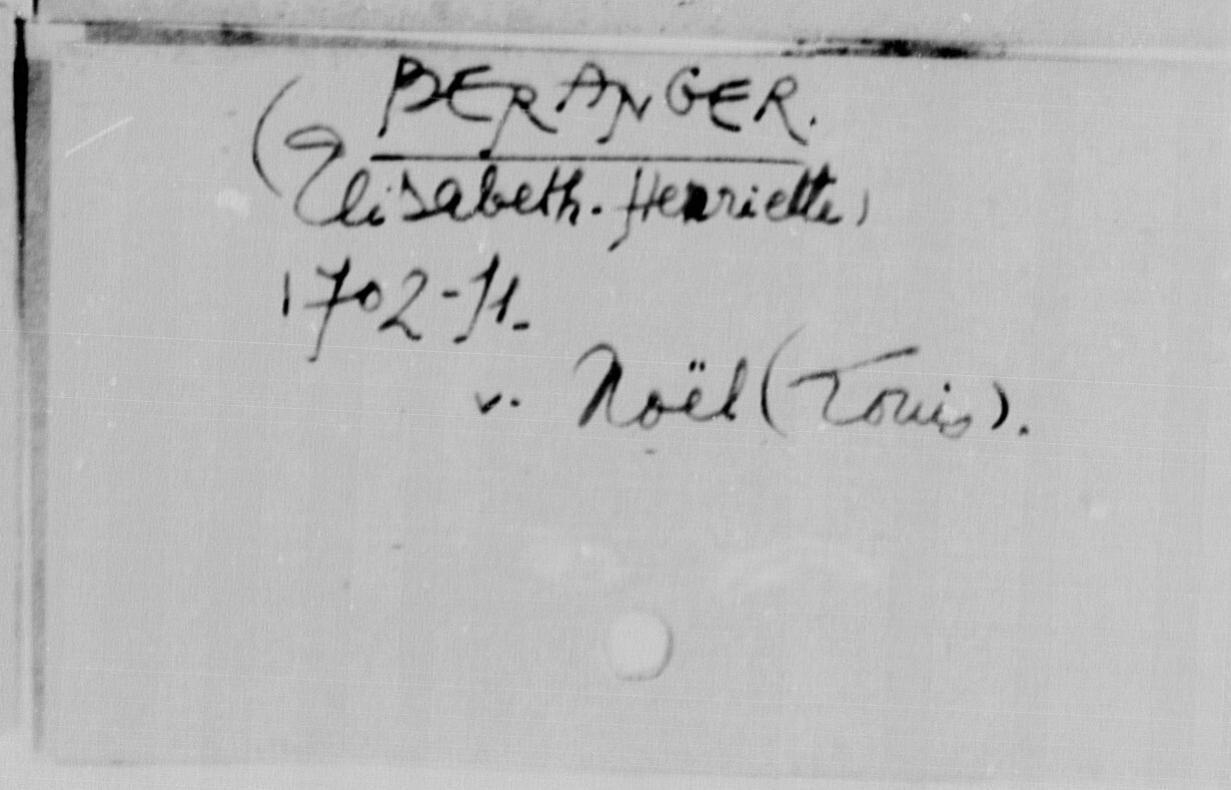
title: BERANGER (Elisabeth-Henriette)
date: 1702-1711
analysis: Voir : NOËL(Louis)
